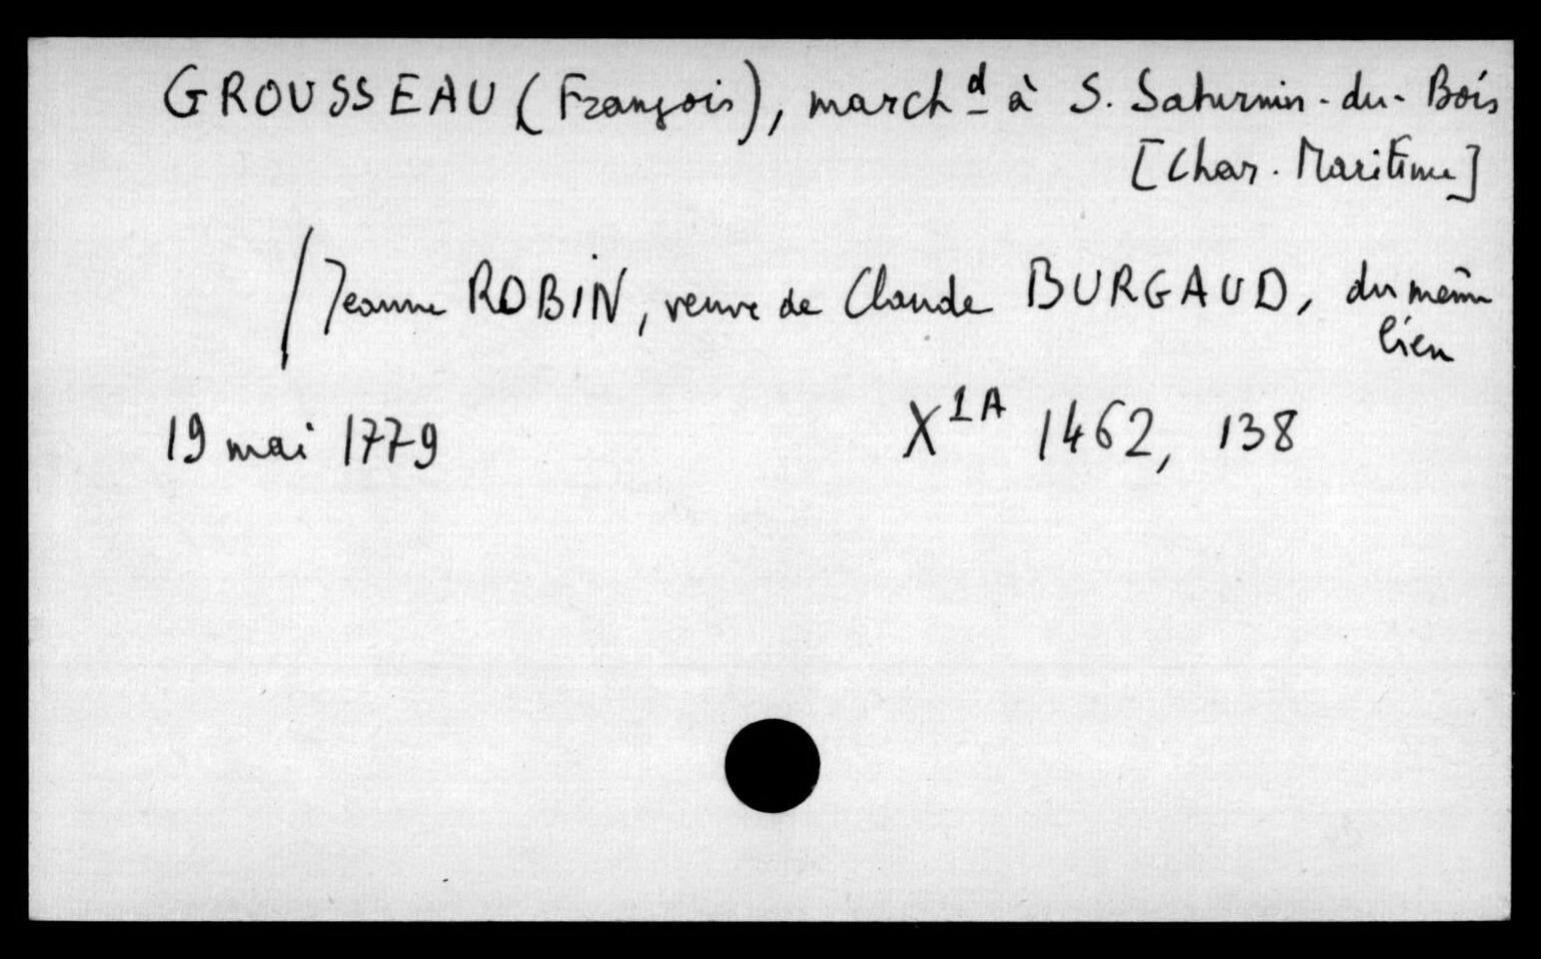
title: GROUSSEAU (François), marchand à Saint-Saturnin-du-Bois [Charente-Maritime]
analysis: Contre Jeanne ROBIN, veuve de Claude BURGAUD, du même lieu
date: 19 mai 1779
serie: X1A
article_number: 1462
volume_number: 138
